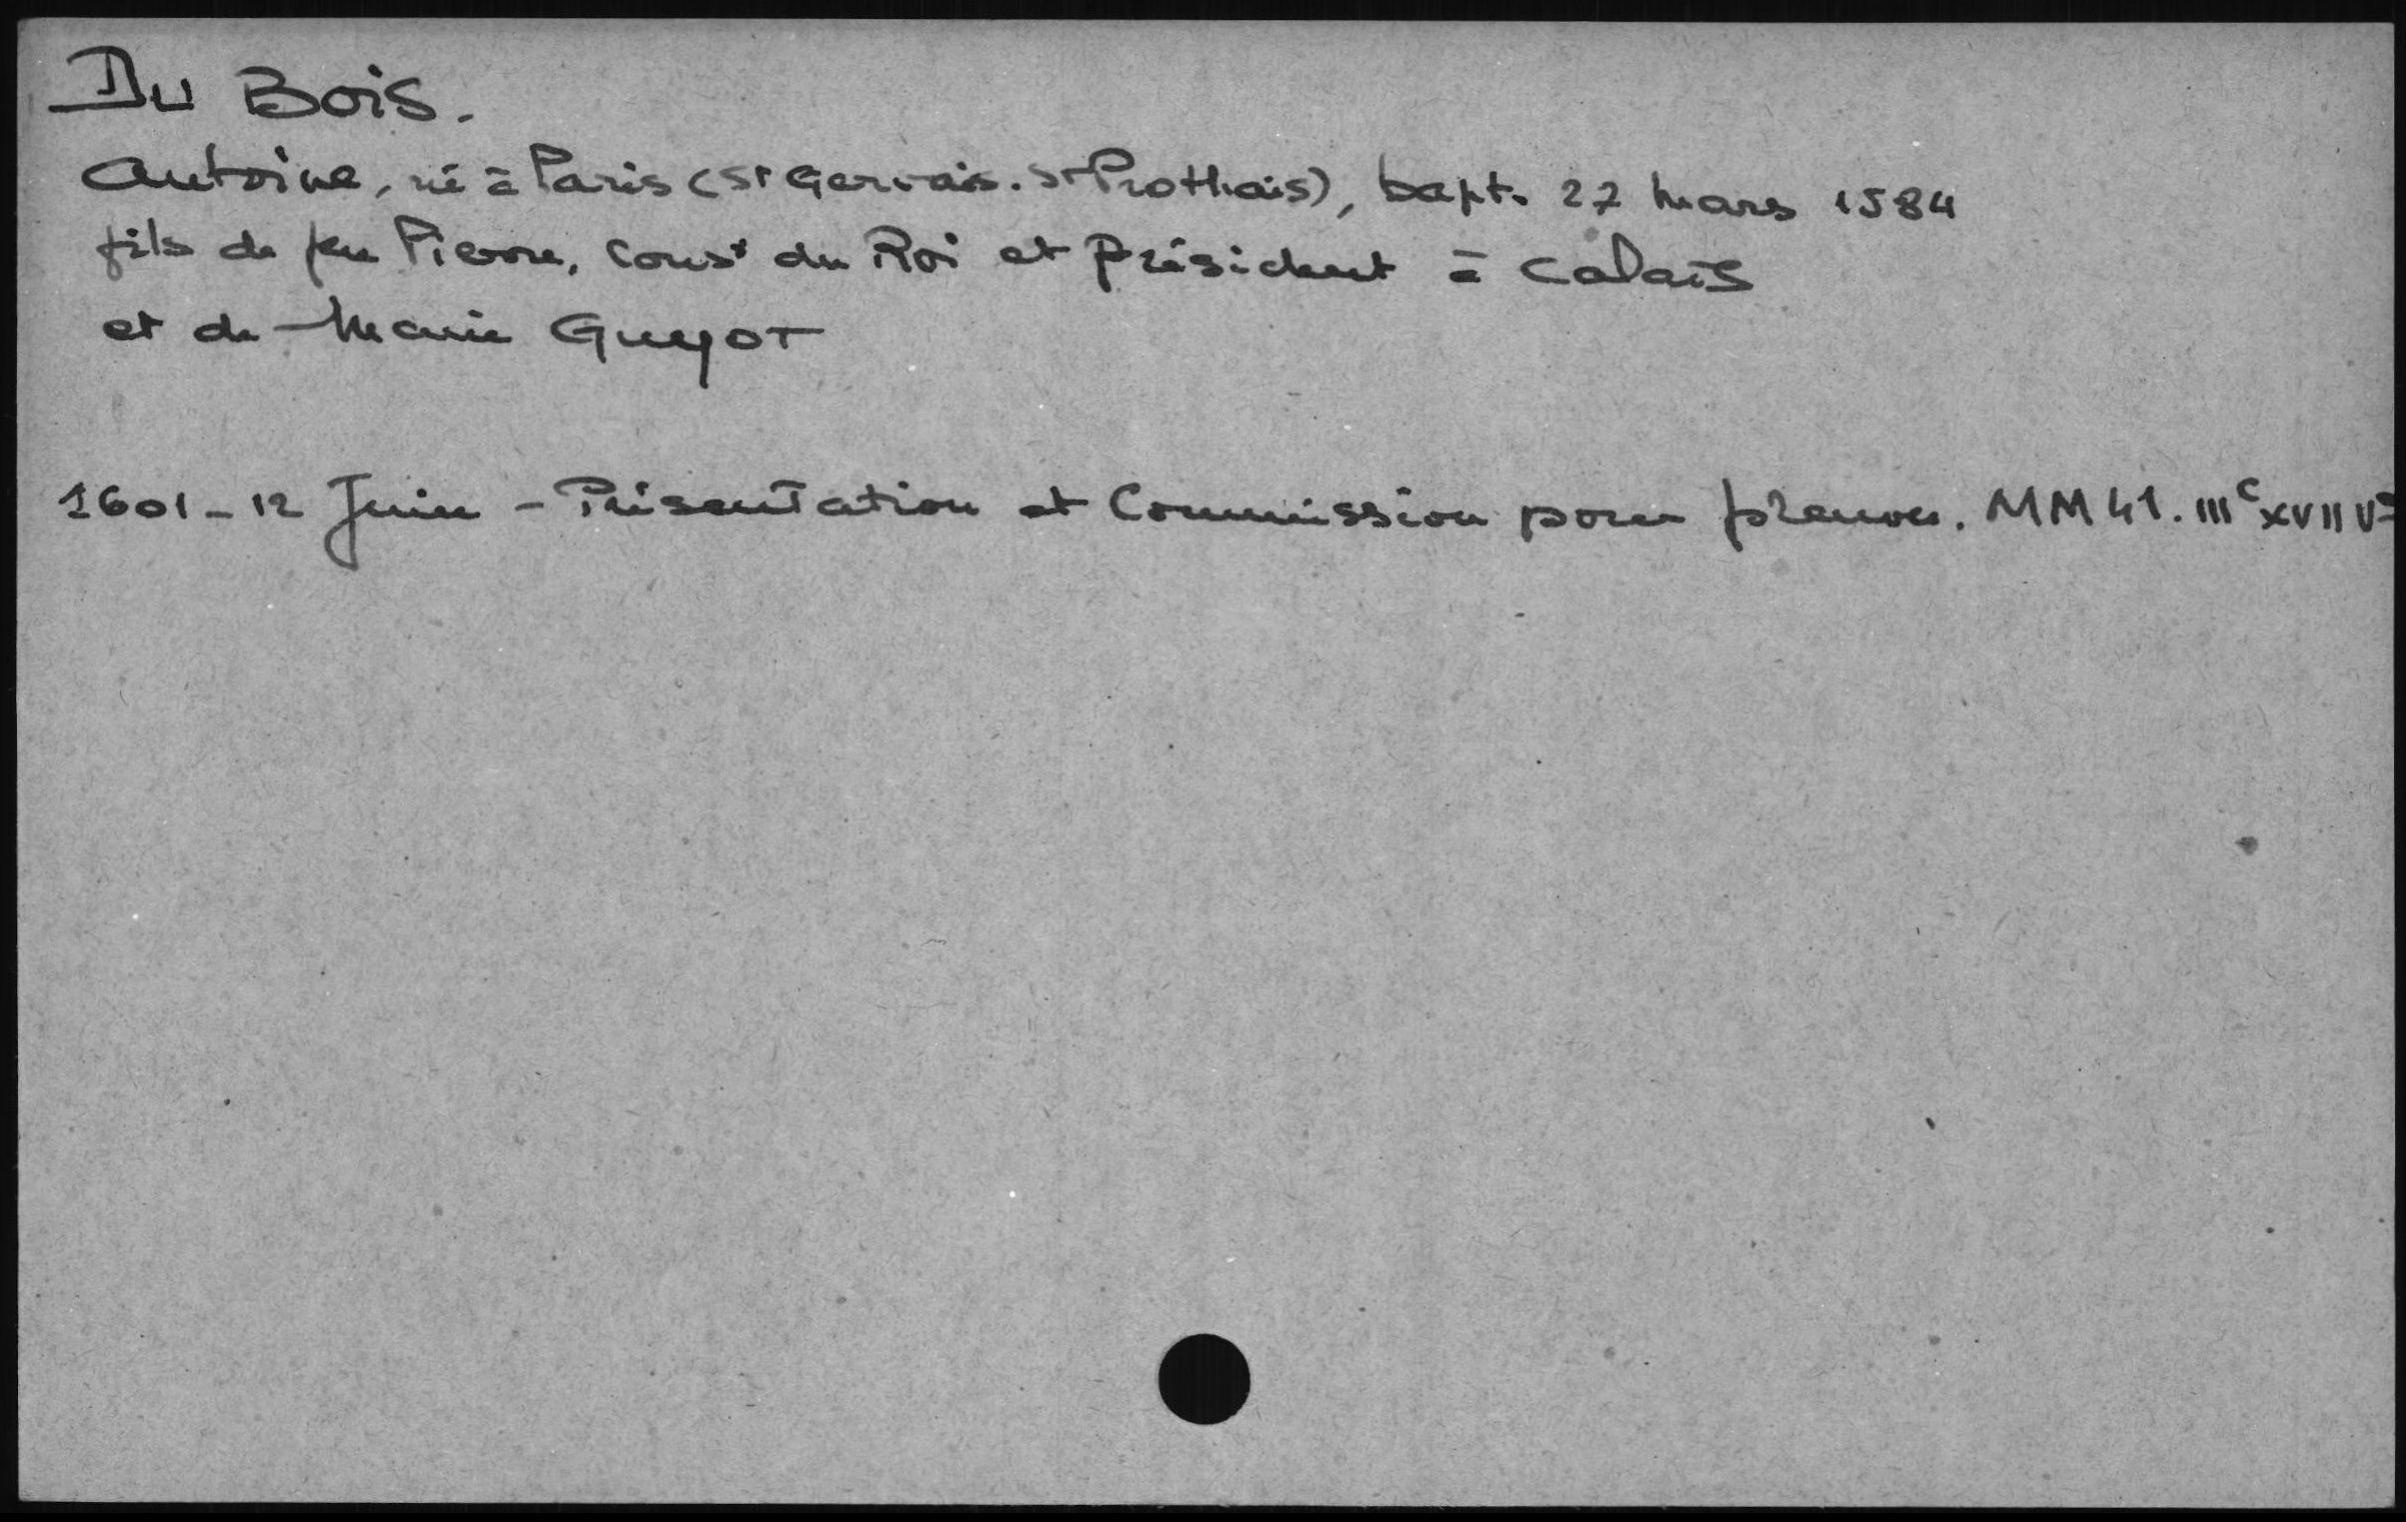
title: DU BOIS Antoine, né à Paris (Saint Gervais-Saint Prothais), baptisé 27 mars 1584 fils de feu Pierre, conseiller du Roi et président à Calais et de Marie Guyot
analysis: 1601, 12 juin. Présentation et commission pour preuves. MM 41, IIIC XVIIv
